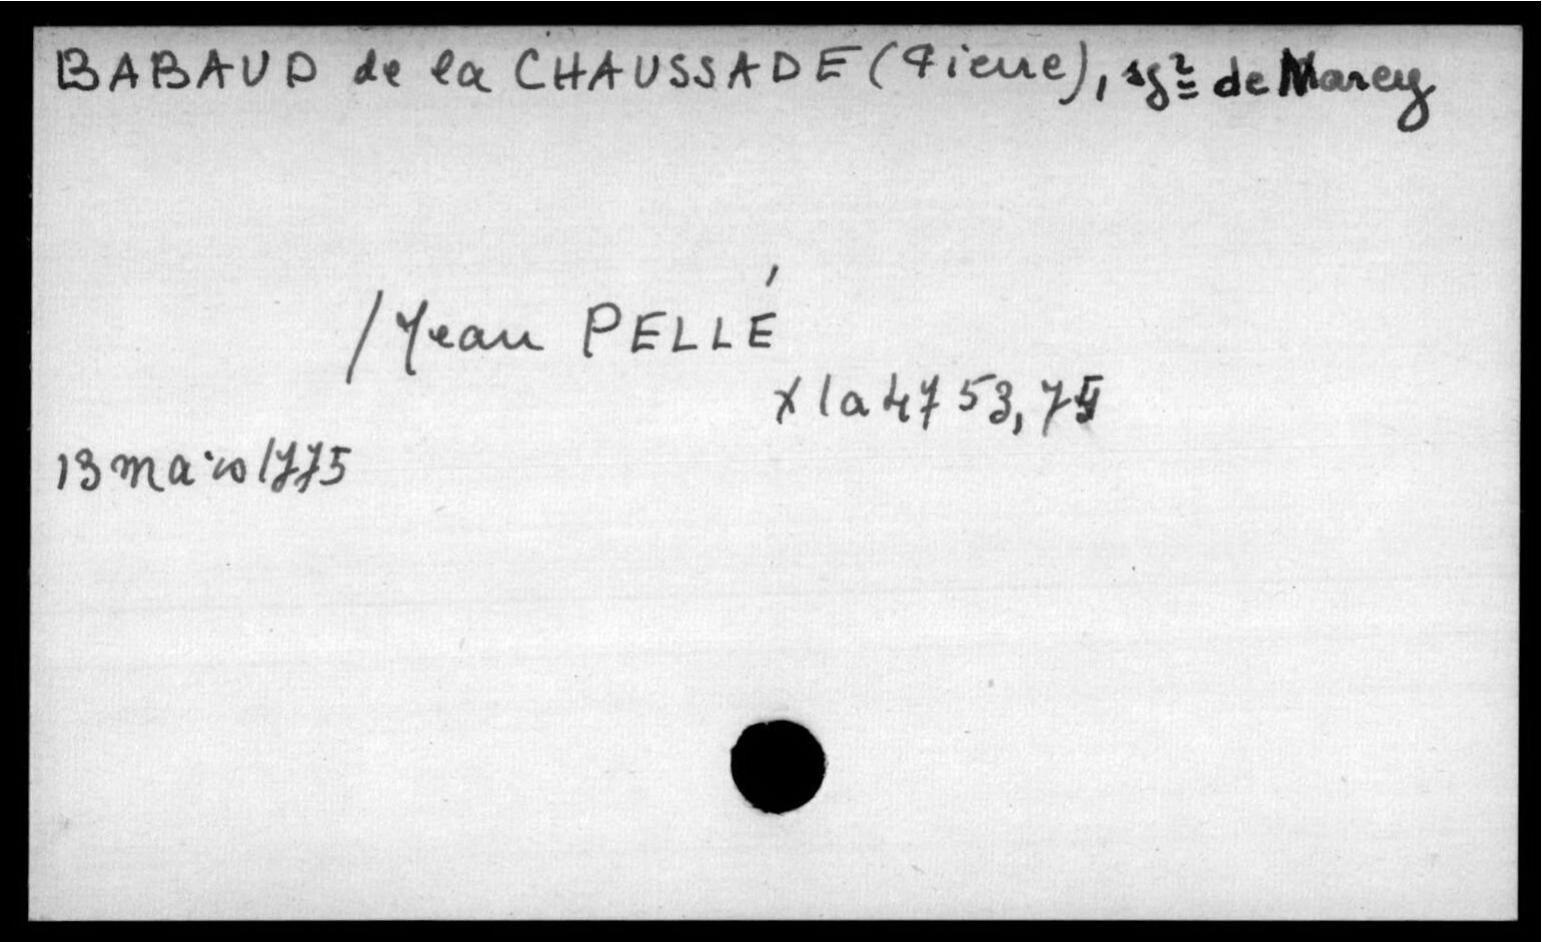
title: BABAUD de la CHAUSSADE (Pierre), seigneur de Marey
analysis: Contre Jean PELLÉ
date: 13 mars 1775
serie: X1a
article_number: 4753
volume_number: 75
